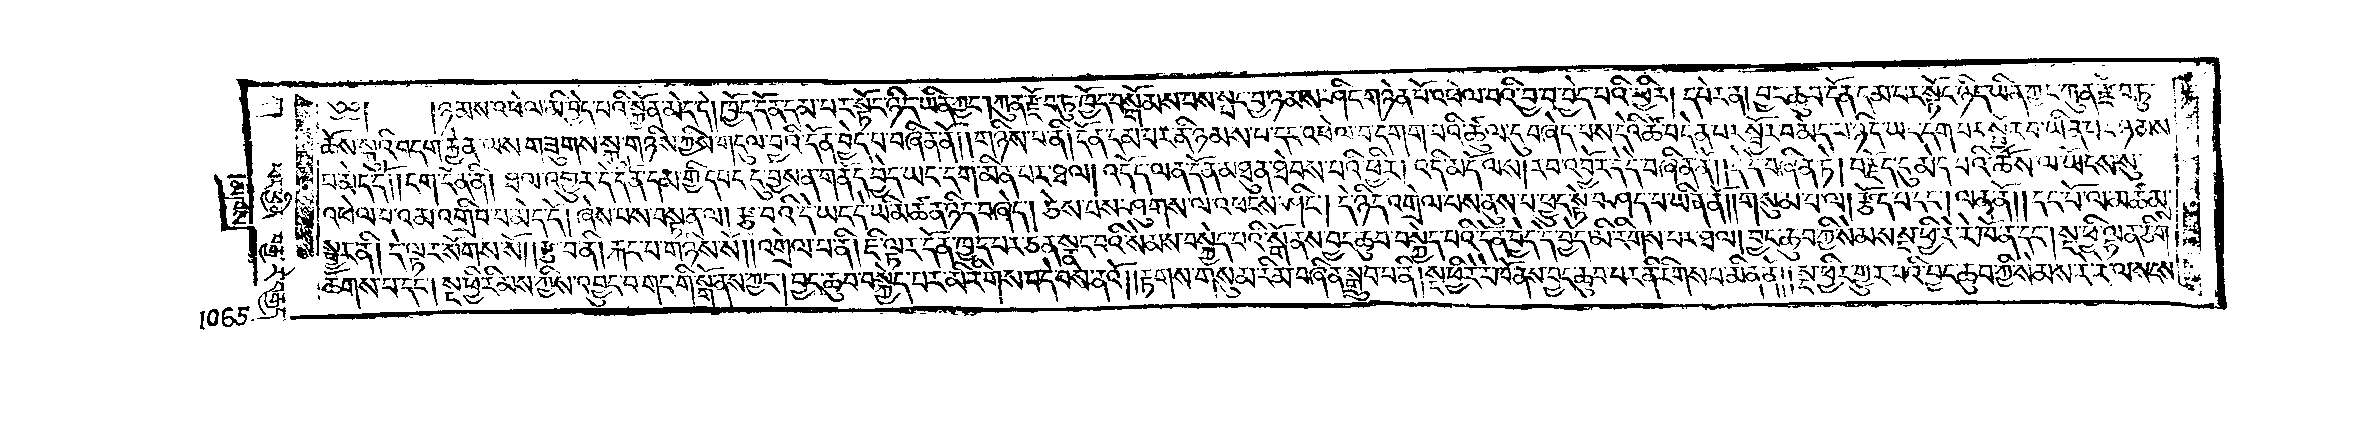༄༅། །ཉམས་འཕེལ་མི་བྱེད་པའི་སྐྱོན་མེད་དེ། ཁྱོད་དོན་དམ་པར་སྟོང་ཉིད་ཡིན་ཀྱང་། ཀུན་རྫོབ་ཏུ་ཁྱོད་བསྒོམས་པས་སྤང་བྱ་ཉམས་ཤིང་གཉེན་པོ་འཕེལ་བའི་བྱ་བ་བྱེད་པའི་ཕྱིར། དཔེར་ན། བྱང་ཆུབ་དོན་དམ་པར་སྟོང་ཉིད་ཡིན་ཀྱང་ཀུན་རྫོབ་ཏུ་
ཆོས་སྐུའི་བདག་རྐྱེན་ལས་གཟུགས་སྐུ་གཉིས་ཀྱིས་གདུལ་བྱའི་དོན་བྱེད་པ་བཞིན་ནོ། །གཉིས་པ་ནི། དོན་དམ་པར་ནི་ཉམས་པ་དང་འཕེལ་བ་དགག་པའི་ཚུལ་དུ་བཞེད་པས་དེའི་ཚེ་བདེན་པར་སྦྱོར་བ་མེད་པ་ཉིད་ཡང་དག་པར་སྦྱོར་བ་ཡིན་པར་ཉམས་
པ་མེད་དོ། །ངག་དོན་ནི། ཐལ་འགྱུར་དེ་དོན་དམ་གྱི་དབང་དུ་བྱས་ན་གནོད་བྱེད་ཡང་དག་མིན་པར་ཐལ། འདོད་ལན་དོན་མཐུན་ཐེབས་པའི་ཕྱིར། འདི་མདོ་ལས། རབ་འབྱོར་དེ་དེ་བཞིན་ནོ། །དེ་དེ་བཞིན་ཏེ། བརྗོད་དུ་མེད་པའི་ཆོས་ལ་ཡོངས་སུ་
འཕེལ་བ་འམ་འགྲིབ་པ་མེད་དོ། ཞེས་པས་བསྟན་ལ། རྩ་བའི་དེ་ཡང་དེ་ཡི་མཚན་ཉིད་བཞེད། ཅེས་པས་ཤུགས་ལ་འཕངས་ཤིང་། དེ་ཉིད་འགྲེལ་བས་ནུས་པ་ཕྱུང་སྟེ་བཤད་པ་ཡིན་ནོ། །གསུམ་པ་ལ། རྩོད་པ་དང་། ལན་ནོ། །དང་པོ་ལ་མཚམས་
སྦྱར་ནི། དེ་ལྟར་སོགས་སོ། །རྩ་བ་ནི། རྐང་པ་གཉིས་སོ། །འགྲེལ་བ་ནི། ཇི་ལྟར་དོན་ཁྱད་པར་ཅན་སྣང་བའི་སེམས་བསྐྱེད་པའི་སྒོ་ནས་བྱང་ཆུབ་བསྐྱེད་པའི་དོན་བྱེད་དེ་བྱེད་མི་རིགས་པར་ཐལ། བྱང་ཆུབ་ཀྱི་སེམས་སྔ་ཕྱི་རེ་རེ་ཁོ་ན་དང་། སྔ་ཕྱི་ལྷན་ཅིག་
ཚོགས་པ་དང་། སྔ་ཕྱི་རིམས་ཀྱིས་འབྱུང་བ་གང་གི་སྒོ་ནས་ཀྱང་། བྱང་ཆུབ་བསྐྱེད་པར་མི་རིགས་པ་དེ་བས་ནའོ། །རྟགས་གསུམ་རིམ་བཞིན་སྒྲུབ་པ་ནི། སྔ་ཕྱི་རེ་རེ་ཁོ་ནས་བྱང་ཆུབ་པར་ནི་རིགས་པ་མིན་ནོ། །སྔ་ཕྱིར་གྱུར་པའི་བྱང་ཆུབ་ཀྱི་སེམས་རེ་རེ་ལ་སངས་